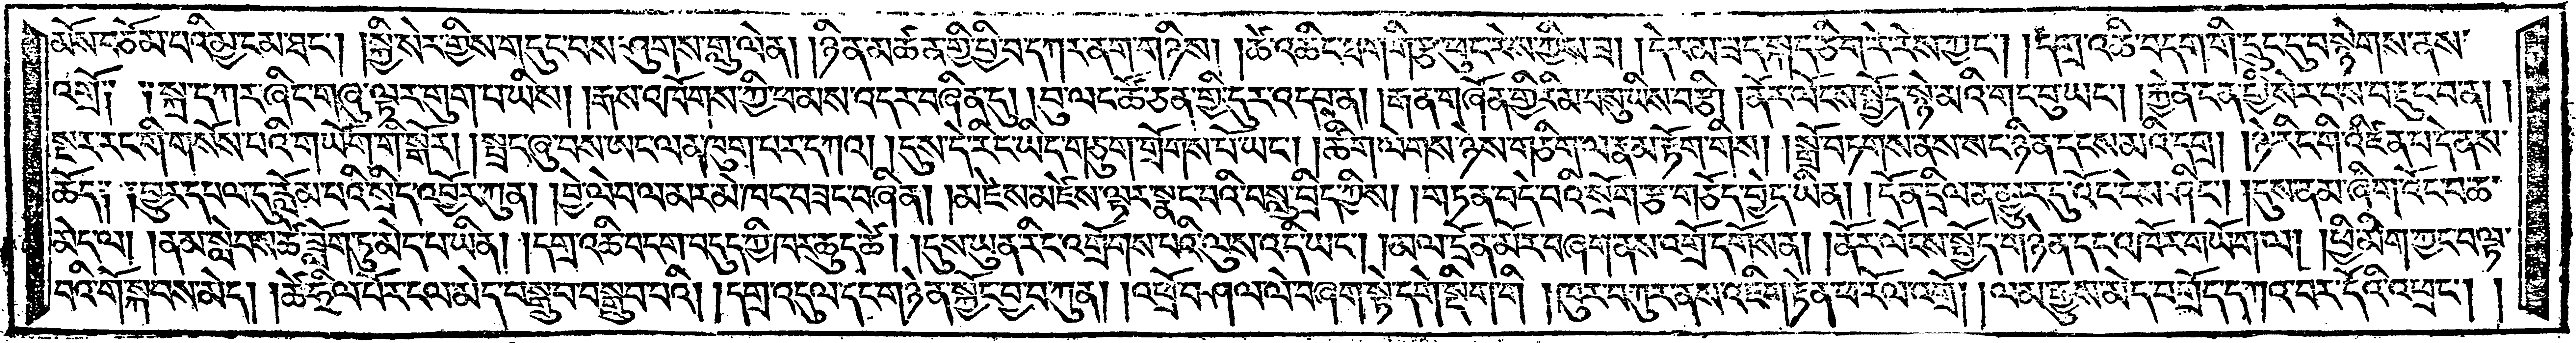མོས་བཅོམ་པའི་མྱ་ངམ་བྲང་། །སྐྱི་སེར་གྱིས་གདུང་བས་ཤུགས་གླུ་ལེན། །ཉིན་མཚན་གྱི་བྱི་བ་དཀར་ནག་གཉིས། །ཚེ་འཆིང་ཐག་གི་རྩ་ཕུང་རེས་ཀྱིས་ཟ། །དེར་མ་ཟད་སྐད་ཅིག་རེ་རེས་ཀྱང་། །དགྲ་འཆི་བདག་གི་དྲུང་དུ་བསྙེགས་ནས་
འགྲོ༑ ༑སྐྲ་དཀར་ཞིང་གཞུ་ལྟར་གུག་པ་ཡིས། །རྒས་འཁོགས་ཀྱི་ཕ་མས་འདར་བཞིན་དུ། །བུ་ལང་ཚོ་ཅན་གྱི་དུར་འདབས་ན། །རྒན་གཞོན་གྱི་རིམ་པ་སུ་ཡིས་བརྩི། །ནོར་ལོངས་སྤྱོད་སྙེ་མའི་གང་བུ་ཡང་། །རྐྱེན་ངན་གྱི་སེར་བས་བརྡུང་བ་ན།
སྔར་རང་གི་གསོས་པའི་གཡོག་གི་སྒོར། །སྤྲང་ཞུ་བས་ཨང་ལན་ཁུག་པར་དཀའ། །དུས་དེ་རིང་ཡིད་གཅུག་གྲོགས་པོ་ཡང་། །ཚིག་ལེགས་ཉེས་གཅིག་ལ་རྣམ་རྟོག་གིས། །སྒྲོ་བཏགས་ནས་སང་ཉིན་དངས་མའི་དགྲ། །ཉེ་རིང་གི་འཛིན་པ་དེ་ནས་
ཆོད༑ ༑བྱུར་དཔལ་དུ་རློམ་པའི་སྲིད་འབྱོར་ཀུན། །བྱེ་ལེབ་ལ་མར་མེ་ཁང་བཟང་བཞིན། །མཛེས་མཛེས་ལྟར་སྣང་བའི་བསླུ་བྲིད་ཀྱིས། །གཏན་བདེ་བའི་སྲོག་རྩ་གཅོད་བྱེད་ཡིན། །དོན་དྲིལ་ན་མྱུར་དུའོང་ངེས་ཤིང་། །དུས་ནམ་ཞིག་འོང་བ་ཆ་
མེད་ལ། །ནམ་སླེབས་ཚེ་ཟློག་ཏུ་མེད་པ་ཡིན། །དགྲ་འཆི་བདག་བདུད་ཀྱི་ཁར་ཆུད་ཚེ། །དུས་ཡུན་རིང་འགྲོགས་པའི་ལུས་འདི་ཡང་། །མལ་དྲོན་མོར་བཞག་ནས་འགྲོ་དགོས་ན། །ནོར་ལོངས་སྤྱོད་གཉེན་དང་འཁོར་གཡོག་ལ། །ཕྱི་མིག་ཀྱང་བལྟ་
བའི་གོ་སྐབས་མེད། །ཚེ་ཧྲིལ་པོར་ངལ་མེད་བསྒྲུབ་བསྒྲུབ་པའི། །དགྲ་འདུལ་དང་གཉེན་སྐྱོང་བྱ་བ་ཀུན། །འཕྲོ་བཤལ་ལེ་བཞག་སྟེ་དགེ་སྡིག་གི །ཁུར་བཀུར་ནས་འཇིག་རྟེན་ཕ་རོལ་འགྲོ། །ལམ་རྒྱུས་མེད་བགྲོད་དཀའ་བར་དོའི་འཕྲང་།